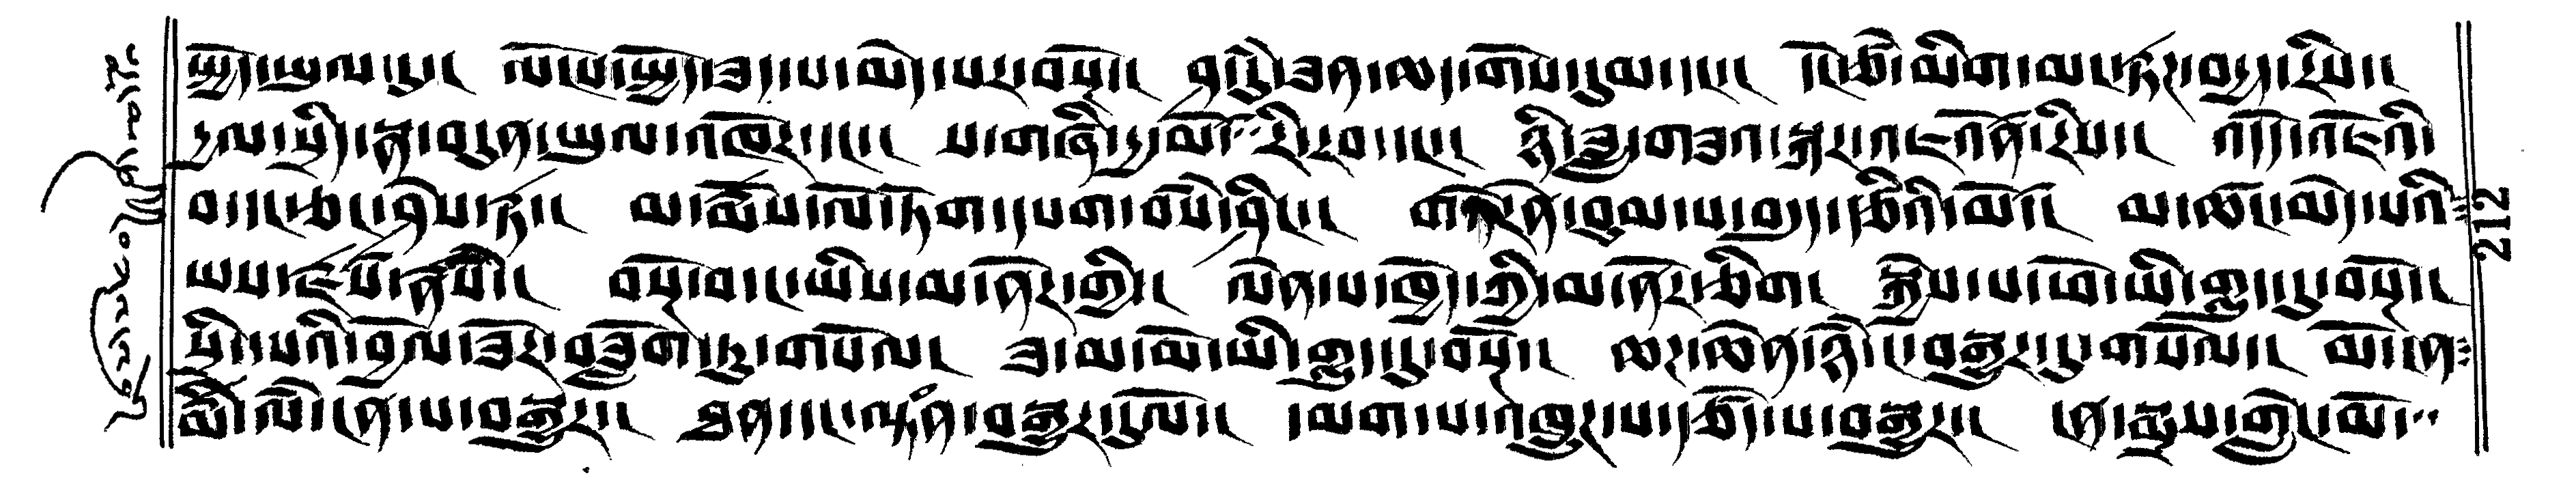སྤྱོད་ཡུལ་དུ། །ལོངས་སྤྱོད་ཟད་པ་མེད་པར་བསྔོ། །ཤ་དུམ་ཟན་ཆད་གོས་དུམ་དང་། །དོང་ཙེ་མིག་མང་རྟགས་བརྒྱད་རིས། །
རྒྱལ་སྲིད་སྣ་བདུན་ཡུལ་འཁོར་དང་། །ས་གཞི་རྒྱ་མཚོ་རི་རབ་དང་། །ཉི་ཟླ་གཟའ་སྐར་འཇའ་མཚོན་རིས། །འདོད་འཇོའི་
བ་དང་ཅང་ཤེས་རྟ། །མ་རྨོས་ལོ་ཏོག་དཔག་བསམ་ཤིང་། །གཏེར་ཆེན་བུམ་པ་བདུད་རྩིའི་མཛོད། །མ་ཚང་མེད་པའི་
ཡས་རྫས་རྣམས། །བསྔོ་བ་ང་ཡིས་མ་ནོར་གྱི། །ལེན་པ་ཁྱོད་ཀྱི་མ་ནོར་ཅིག སྐྱེས་པ་ཕོ་ཡི་གླུད་དུ་བསྔོ། །
སྲིད་པའི་བྱོལ་ཟོར་བཟློག་ཏུ་གསོལ། །ཟ་མ་མོ་ཡི་གླུད་དུ་བསྔོ། །ཆགས་ཆེ་ཉམ་ང་བསྒྱུར་དུ་གསོལ། །མོ་ངན་
རྨི་ལམ་ངན་པ་བསྒྱུར། །ཐན་དང་ལྟན་ངན་བསྒྱུར་དུ་གསོལ། །དམག་ས་འཁྲུགས་ས་རྩོད་པ་བསྒྱུར། །ངན་སྨྲས་གླེང་མོ་